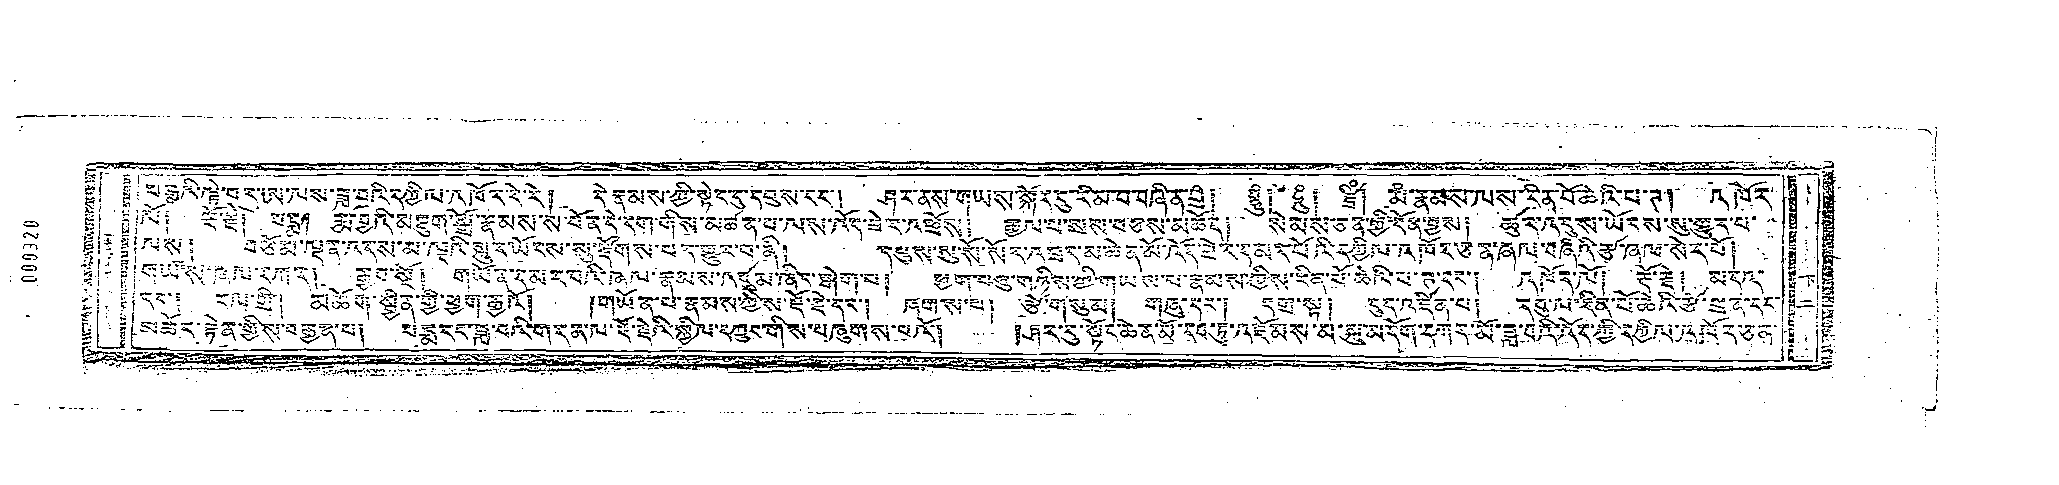པདམའི་ལྟེ་བར་ཨ་ལས་ཟླ་བའི་དཀྱིལ་འཁོར་རེ་རེ། དེ་རྣམས་ཀྱི་སྟེང་དུ་དབུས་དང་། ཤར་ནས་གཡས་སྐོར་དུ་རིམ་པ་བཞིན་པྲཾ། བྷྲུཾ། ཧཱུཾ། ཛྲཾ། མཾ་རྣམས་ལས་རིན་པོ་ཆེའི་ལ་ཊ། འཁོར་
ལོ། རྡོ་རྗེ། པདམ། རྨ་བྱའི་མཇུག་སྒྲོ་རྣམས་ས་བོན་དེ་དག་གིས་མཚན་པ་ལས་འོད་ཟེར་འཕྲོས། རྒྱལ་བ་སྲས་བཅས་མཆོད། སེམས་ཅན་གྱི་དོན་བྱས། ཚུར་འདུས་ཡོངས་སུ་གྱུར་པ་
ལས། བཅོམ་ལྡན་འདས་མ་ལྡའི་སྐུར་ཡོངས་སུ་རྫོགས་པར་གྱུར་པ་ནི། དབུས་སུ་སོ་སོར་འབྲང་མ་ཆེན་མོ་འོད་ཟེར་དམར་པོའི་དཀྱིལ་ཎྰྑོར་ཅན་ཞལ་བཞིའི་རྩ་ཞལ་སེར་པོ།
གཡས་ཞལ་དཀར། རྒྱབ་སྡོ། གཡོན་དམར་བའི་ཞལ་རྣམས་འཛུམ་ཞིང་སྒེག་པ། ཕྱག་བཅུ་གཉིས་ཀྱི་གཡས་པ་རྣམས་ཀྱིས་རིན་པོ་ཆེའི་པ་ཌ་དང་། འཁོར་ལོ། རྡོ་རྗེ། མདའ་
དང་། རལ་གྲི། མཆོག་སྦྱིན་གྱི་ཕྱག་རྒྱལ། །གཡོན་པ་རྣམས་ཀྱིས་རྡོ་རྗེ་དང་། ཞགས་པ། རྩེ་གསུམ། གཞུ་དང་། དགྲ་སྟ། དུང་འཛིན་པ། དབུ་ལ་རིན་པོ་ཆེའི་རྩེ་ཕྲན་དང་
མཆོད་རྟེན་གྱིས་བརྒྱན་པ། པདམ་དང་ཟླ་བའི་གདན་ལ་རྡོ་རྗེའི་སྐྱིལ་དཀྲུངས་གིས་བཞུགས་པའོ། །ཤར་དུ་སྟོང་ཆེན་མོ་རབ་ཏུ་འཇོམས་མ་སྐུ་མདོག་དཀར་མོ་ཟླ་བའི་འོད་ཀྱི་དཀྱིལ་འཁོར་ཅན་